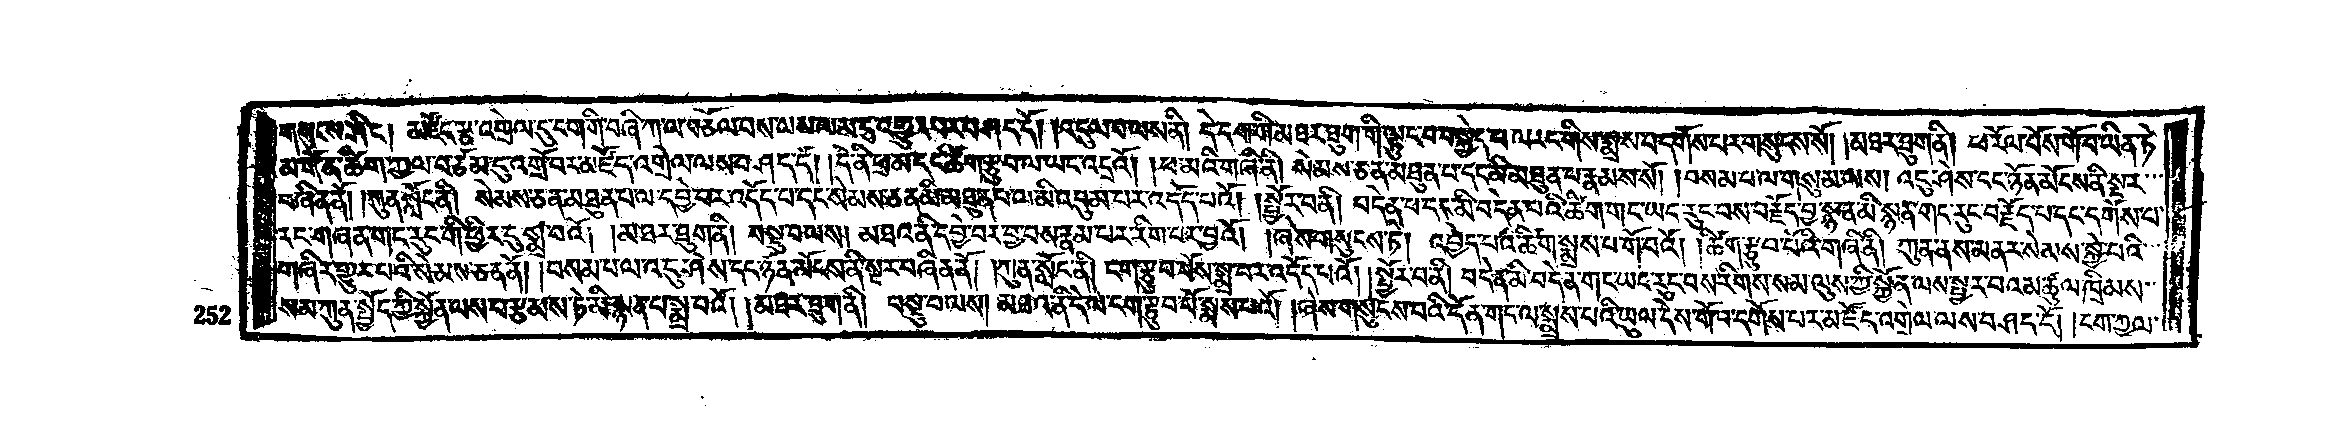གསུངས་ཤིང་། མཛོད་རྩ་འགྲེལ་དུ་ངག་གི་བཞི་ཀ་ལ་བཅོལ་བས་ལས་ལམ་དུ་འགྱུར་བར་བཤད་དོ། །འདུལ་བ་ལས་ནི། དེ་དག་གི་མཐར་ཐུག་གི་ལྟུང་བ་བསྐྱེད་པ་ལ་རང་གིས་སྨྲས་པ་དགོས་པར་གསུངས་སོ། །མཐར་ཐུག་ནི། ཕ་རོལ་པོས་གོ་བ་ཡིན་ཏེ་
མ་གོ་ན་ཚིག་ཀྱལ་པ་ཙམ་དུ་འགྲོ་བར་མཛོད་འགྲེལ་ལས་བཤད་དོ། །དེ་ནི་ཕྲ་མ་དང་ཚིག་རྩུབ་ལ་ཡང་འདྲའོ། །ཕྲ་མའི་གཞི་ནི། སེམས་ཅན་མཐུན་པ་དང་མི་མཐུན་པ་རྣམས་སོ། །བསམ་པ་ལ་གསུམ་ལས། འདུ་ཤེས་དང་ཉོན་མོངས་ནི་སྔར་
བཞིན་ནོ། །ཀུན་སློང་ནི། སེམས་ཅན་མཐུན་པ་ལ་དབྱེ་བར་འདོད་པ་དང་སེམས་ཅན་མི་མཐུན་པ་ལ་མི་འདུ་མ་པར་འདོད་པའོ། །སྦྱོར་བ་ནི། བདེན་པ་དང་མི་བདེན་པའི་ཚིག་གང་ཡང་རུང་བས་བརྗོད་བྱ་སྙན་མི་སྙན་གང་རུང་བརྗོད་པ་དང་དགོས་པ་
རང་གཞན་གང་རུང་གི་ཕྱིར་དུ་སྨྲ་བའོ། །མཐར་ཐུག་ནི། བསྡུ་བ་ལས། མཐའ་ནི་དབྱེ་བར་བྱ་བས་རྣམ་པར་རིག་པར་བྱའོ། །ཞེས་གསུངས་ཏེ། འབྱེད་པའི་ཚིག་སྨྲས་པ་གོ་བའོ། །ཚིག་རྩུབ་པོའི་གཞི་ནི། ཀུན་ནས་མནར་སེམས་སྐྱེ་བའི་
གཞིར་གྱུར་པའི་སེམས་ཅན་ནོ། །བསམ་པ་ལ་འདུ་ཤེས་དང་ཉོན་མོངས་ནི་སྔར་བཞིན་ནོ། །ཀུན་སློང་ནི། ངག་རྩུབ་པོས་སྨྲ་བར་འདོད་པའོ། །སྦྱོར་བ་ནི། བདེན་མི་བདེན་གང་ཡང་རུང་བས་རིགས་སམ་ལུས་ཀྱི་སྐྱོན་ལས་སྦྱར་བའམ་ཚུལ་ཁྲིམས་
སམ་ཀུན་སྤྱོད་ཀྱི་སྐྱོན་ལས་བརྩམས་ཏེ་མི་སྙན་པ་སྨྲ་བའོ། །མཐར་ཐུག་ནི། བསྡུ་བ་ལས། མཐའ་ནི་དེ་ལ་ངག་རྩུབ་བོ་སྨྲས་པའོ། །ཞེས་གསུངས་པའི་དོན་གང་ལ་སྨྲས་པའི་ཡུལ་དེས་གོ་བ་དགོས་པར་མཛོད་འགྲེལ་ལས་བཤད་དོ། །ངག་ཀྱལ་